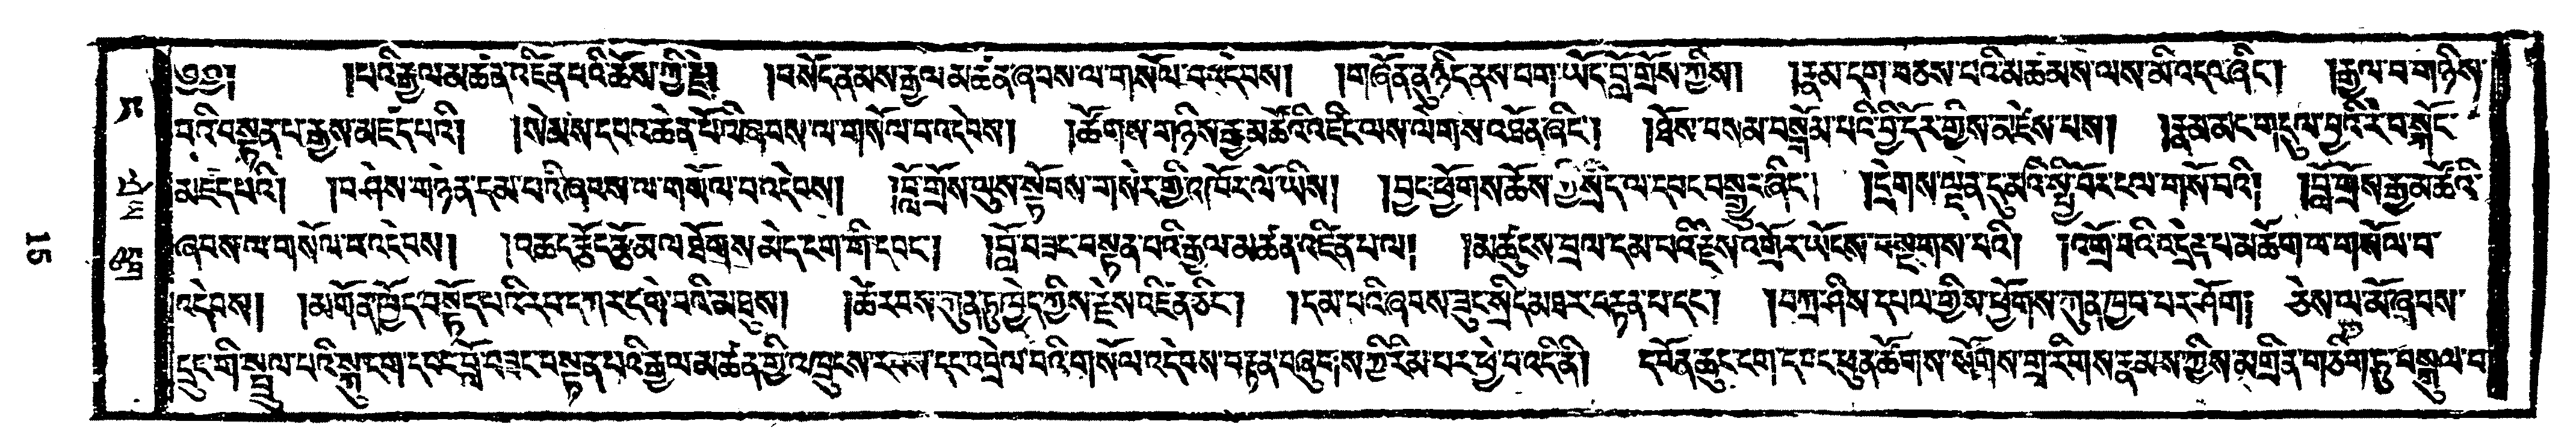༄༅། །པའི་རྒྱལ་མཚན་འཛིན་པའི་ཆོས་ཀྱི་རྗེ། །བསོད་ནམས་རྒྱལ་མཚན་ཞབས་ལ་གསོལ་བ་འདེབས། །གཞོན་ནུ་ཉིད་ནས་བག་ཡོད་བློ་གྲོས་ཀྱིས། །རྣམ་དག་བཅས་པའི་མཚམས་ལས་མི་འདའ་ཞིང་། །རྒྱལ་བ་གཉིས་
བའི་བསྟན་པ་རྒྱས་མཛད་པའི། །སེམས་དཔའ་ཆེན་པོའི་ཞབས་ལ་གསོལ་བ་འདེབས། །ཚོགས་གཉིས་རྒྱ་མཚོའི་འཛིན་ལས་ལེགས་འཐོན་ཞིང་། །ཐོས་བསམ་བསྒོམ་པའི་བྱི་དོར་གྱིས་མཛེས་པས། །རྣམ་མང་གདུལ་བྱའི་རེ་བ་སྐོང་
མཛད་པའི། །བཤེས་གཉེན་དམ་པའི་ཞབས་ལ་གསོལ་བ་འདེབས། །བློ་གྲོས་ལུས་སྟོབས་གསེར་གྱི་འཁོར་ལོ་ཡིས། །བྱང་ཕྱོགས་ཆོས་ཀྱི་སྲིད་ལ་དབང་བསྒྱུར་ཞིང་། །དྲེགས་ལྡན་དུ་མའི་སྤྱི་བོར་ངལ་གསོ་བའི། །བློ་གྲོས་རྒྱ་མཚོའི་
ཞབས་ལ་གསོལ་བ་འདེབས། །འཆད་རྩོད་རྩོམ་ལ་ཐོགས་མེད་ངག་གི་དབང་། །བློ་བཟང་བསྟན་པའི་རྒྱལ་མཚན་འཛིན་པ་ལ། །མཚུངས་བྲལ་དམ་པའི་རྗེས་འགྲོར་ཡོངས་བསྔགས་པའི། །འགྲོ་བའི་འདྲེན་པ་མཆོག་ལ་གསོལ་བ་
འདེབས། །མགོན་ཁྱོད་བསྟོད་པའི་རབ་དཀར་དགེ་བའི་མཐུས། །ཚེ་རབས་ཀུན་ཏུ་ཁྱེད་ཀྱིས་རྗེས་འཛིན་ཅིང་། །དམ་པའི་ཞབས་ཟུང་སྲིད་མཐར་བརྟན་པ་དང་། །བཀྲ་ཤིས་དཔལ་གྱིས་ཕྱོགས་ཀུན་ཁྱབ་པར་ཤོག། ཅེས་ལ་མོ་ཞབས་
དྲུང་གི་སྤྲུལ་པའི་སྐུ་ངག་དབང་བློ་བཟང་བསྟན་པའི་རྒྱལ་མཚན་གྱི་འཁྲུངས་རབས་དང་འབྲེལ་བའི་གསོལ་འདེབས་བརྟན་བཞུགས་ཀྱི་རིམ་པར་ཕྱེ་བ་འདི་ནི། དབོན་ཆུང་ངག་དབང་ཕུན་ཚོགས་སོགས་གྲྭ་རིགས་རྣམས་ཀྱིས་མགྲིན་གཅིག་ཏུ་བསྐུལ་བ་